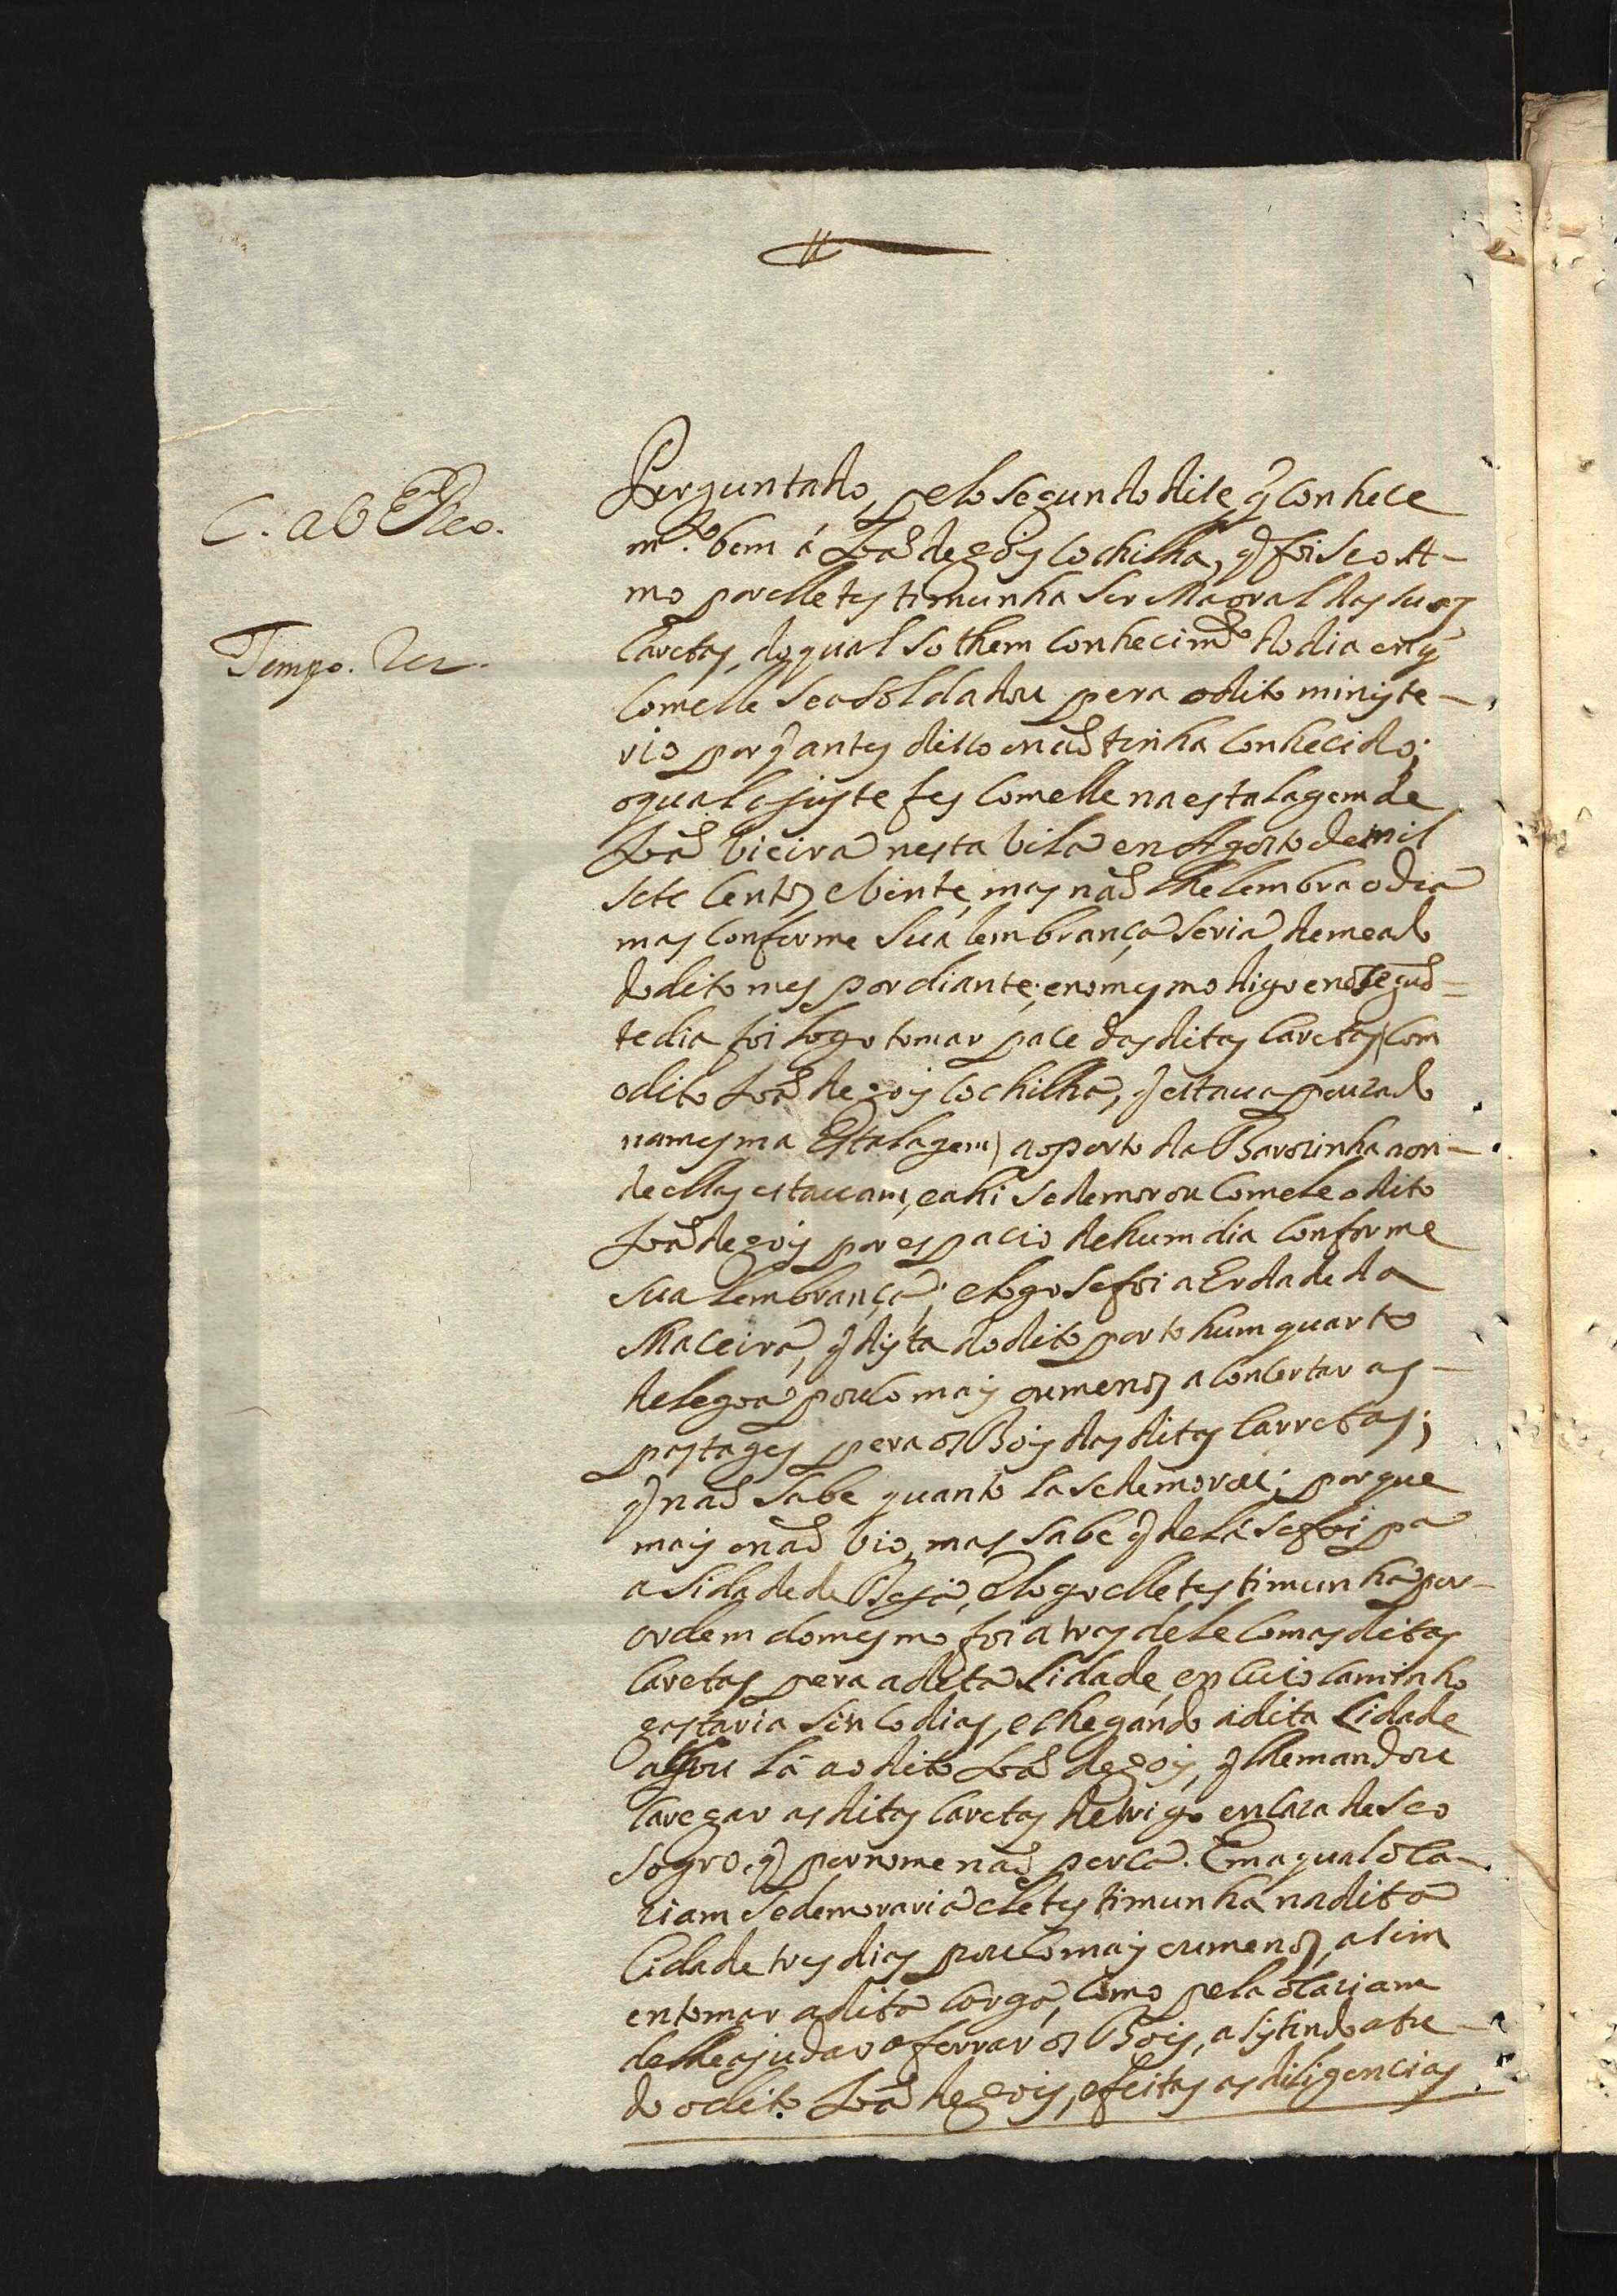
C. ao Reo.
Tempo. Rez.
Perguntado, pelo segundo dise q̄ Conhece
m.to bem á Joã de gois Cochilha, q̄ foi seo A
mo por elle testimunha ser Maoral das suas
Caretas, do qual so them conhecimto do dia en q̄
Com elle se asoldadou pera o dito ministe
rio por q̄ antes disso naõ tinha Conhecido;
o qual ajuste fes Com elle na estalagem de
Joã Vieira nesta vila em Agosto de mil
seteCentos e Vinte, mas não lhe lembra o dia
mas Conforme sua lembrança seria de meado
do dito mes por diante; e no mesmo digo e no segūe
te dia foi logo tomar pace das ditas Caretas (Com
o dito Joã de gois Cochilha, q̄ estaua pouzado
na mesma Estalagem) ao porto da Barozinha aon
de ellas estauam, e ahi se demorou ou Com ele o dito
Joã de gois por espacio de hum dia Conforme
sua lembrança; e logo se foi a Erdade da
Maceira, q̄ dista do dito porto hum quarto
de legoa pouCo mais ou menos a Concertar as
pastages pera os Bois das dita Carretas;
q̄ naõ sabe quanto la se demorou; porque
mais o naõ vio, mas sabe q̄ de lá se foi pa
a Sidade de Beja, & logo elle testimunha por
ordem do mesmo foi atras dele Com as ditas
Caretas pera a dita Cidade, en cuio caminho
gastaria sinco dias, e chegando a dita Cidade
achou lá ao dito Joã de gois, q̄ lhe mandou
Caregar as ditas Caretas de trigo en Caza de seo
Sogro, q̄ por nome naõ perca. Em a qual oCa
ziam se demoraria ele testimunha na dita
Cidade tres dias pouCo mais ou menos, asim
en tomar a dita Carga, como pela oCaziam
de lhe ajudar o ferrar os Bois, asistindo a tu
do o dito Joã de gois, e feitas as diligencias
